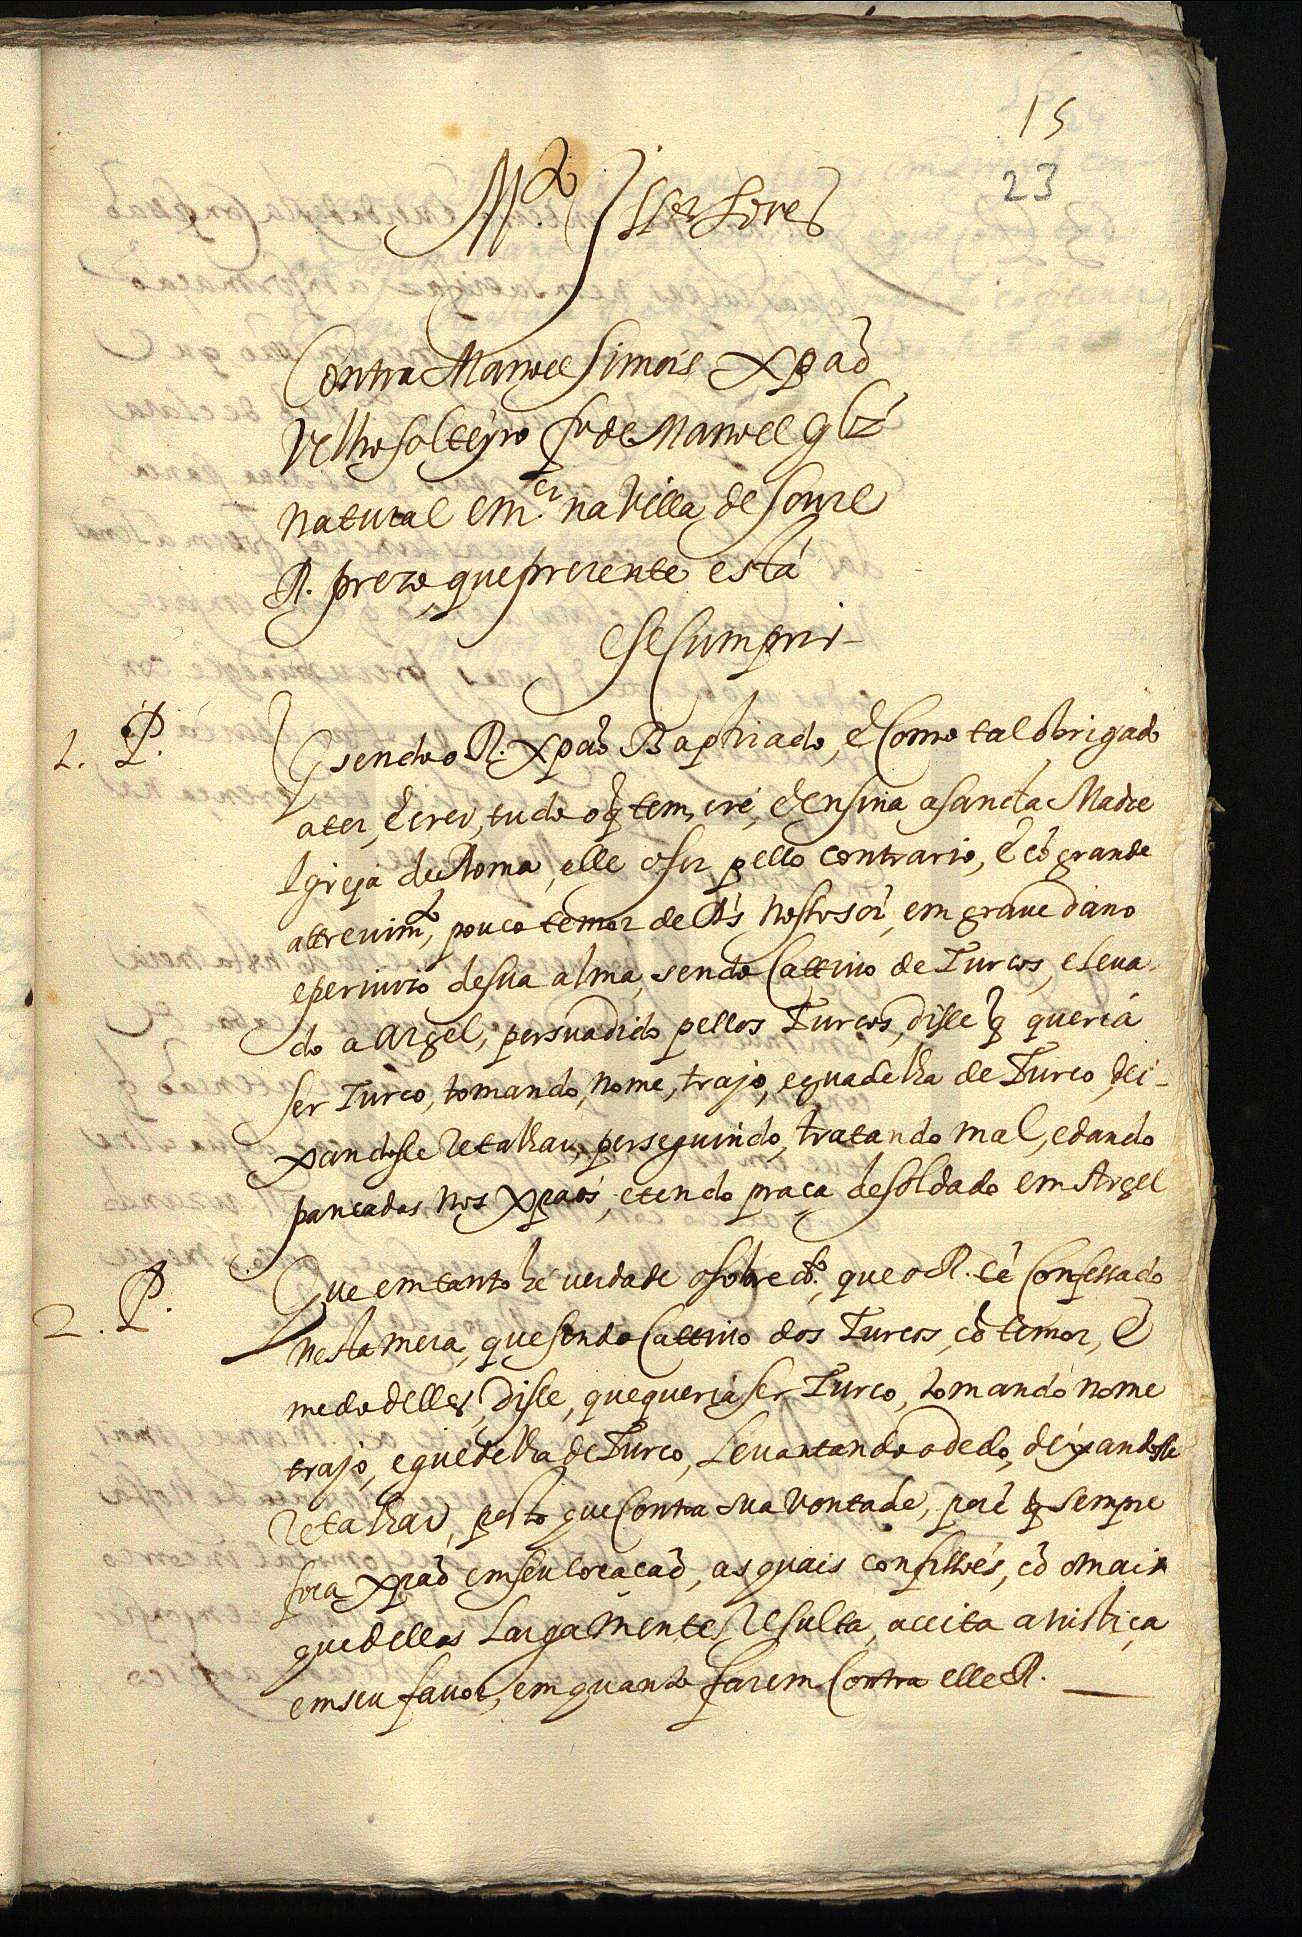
1. P.
2. P.
15
M.to Jlles sorēs
Contra Manoel Simois Xpaõ
Velho solteyro fo de Manoel glz̄
natural e m.or na Villa de Soure
R. prezo, que prezente está
e se Cumprir
Q̄ sendo o R. Xpaõ Baptizado, e Como tal obrigado
a ter, e crer, tudo o q̄ tem, cre, e ensina a Sancta Madre
Igreja de Roma, elle o fez pello contrario, e cō grande
attreuimto, pouco temor de Ds̄ nosso sor̄, em graue dano
e periuizo de sua alma, sendo Cattiuo de Turcos, e leua
do a argel, persuadido pellos Turcos, disse q̄ queria
Ser Turco, tomando nome, trajo, e guadelha de Turco, dei
xandosse retalhar, perseguindo, tratando mal, e dando
pancadas nos xpaõs, e tendo praça de Soldado em Argel
Que em tanto he uerdade o sobred̄.o, que o R. tē Confessado
nesta meza, que Sendo Cattiuo dos Turcos, cō temor, e
medo delles, disse, que queria Ser Turco, tomando nome
trajo, e guedelha de Turco, Leuantando o dedo, deixandosse
retalhar, posto que Contra sua vontade, porē q̄ sempre
fora xpaõ em Seu coraçaõ, as quais confissoẽs, cō o mais
que della Largamente resulta, aceita a iustiça
em seu fauor, emquanto fazem Contra elle R.
